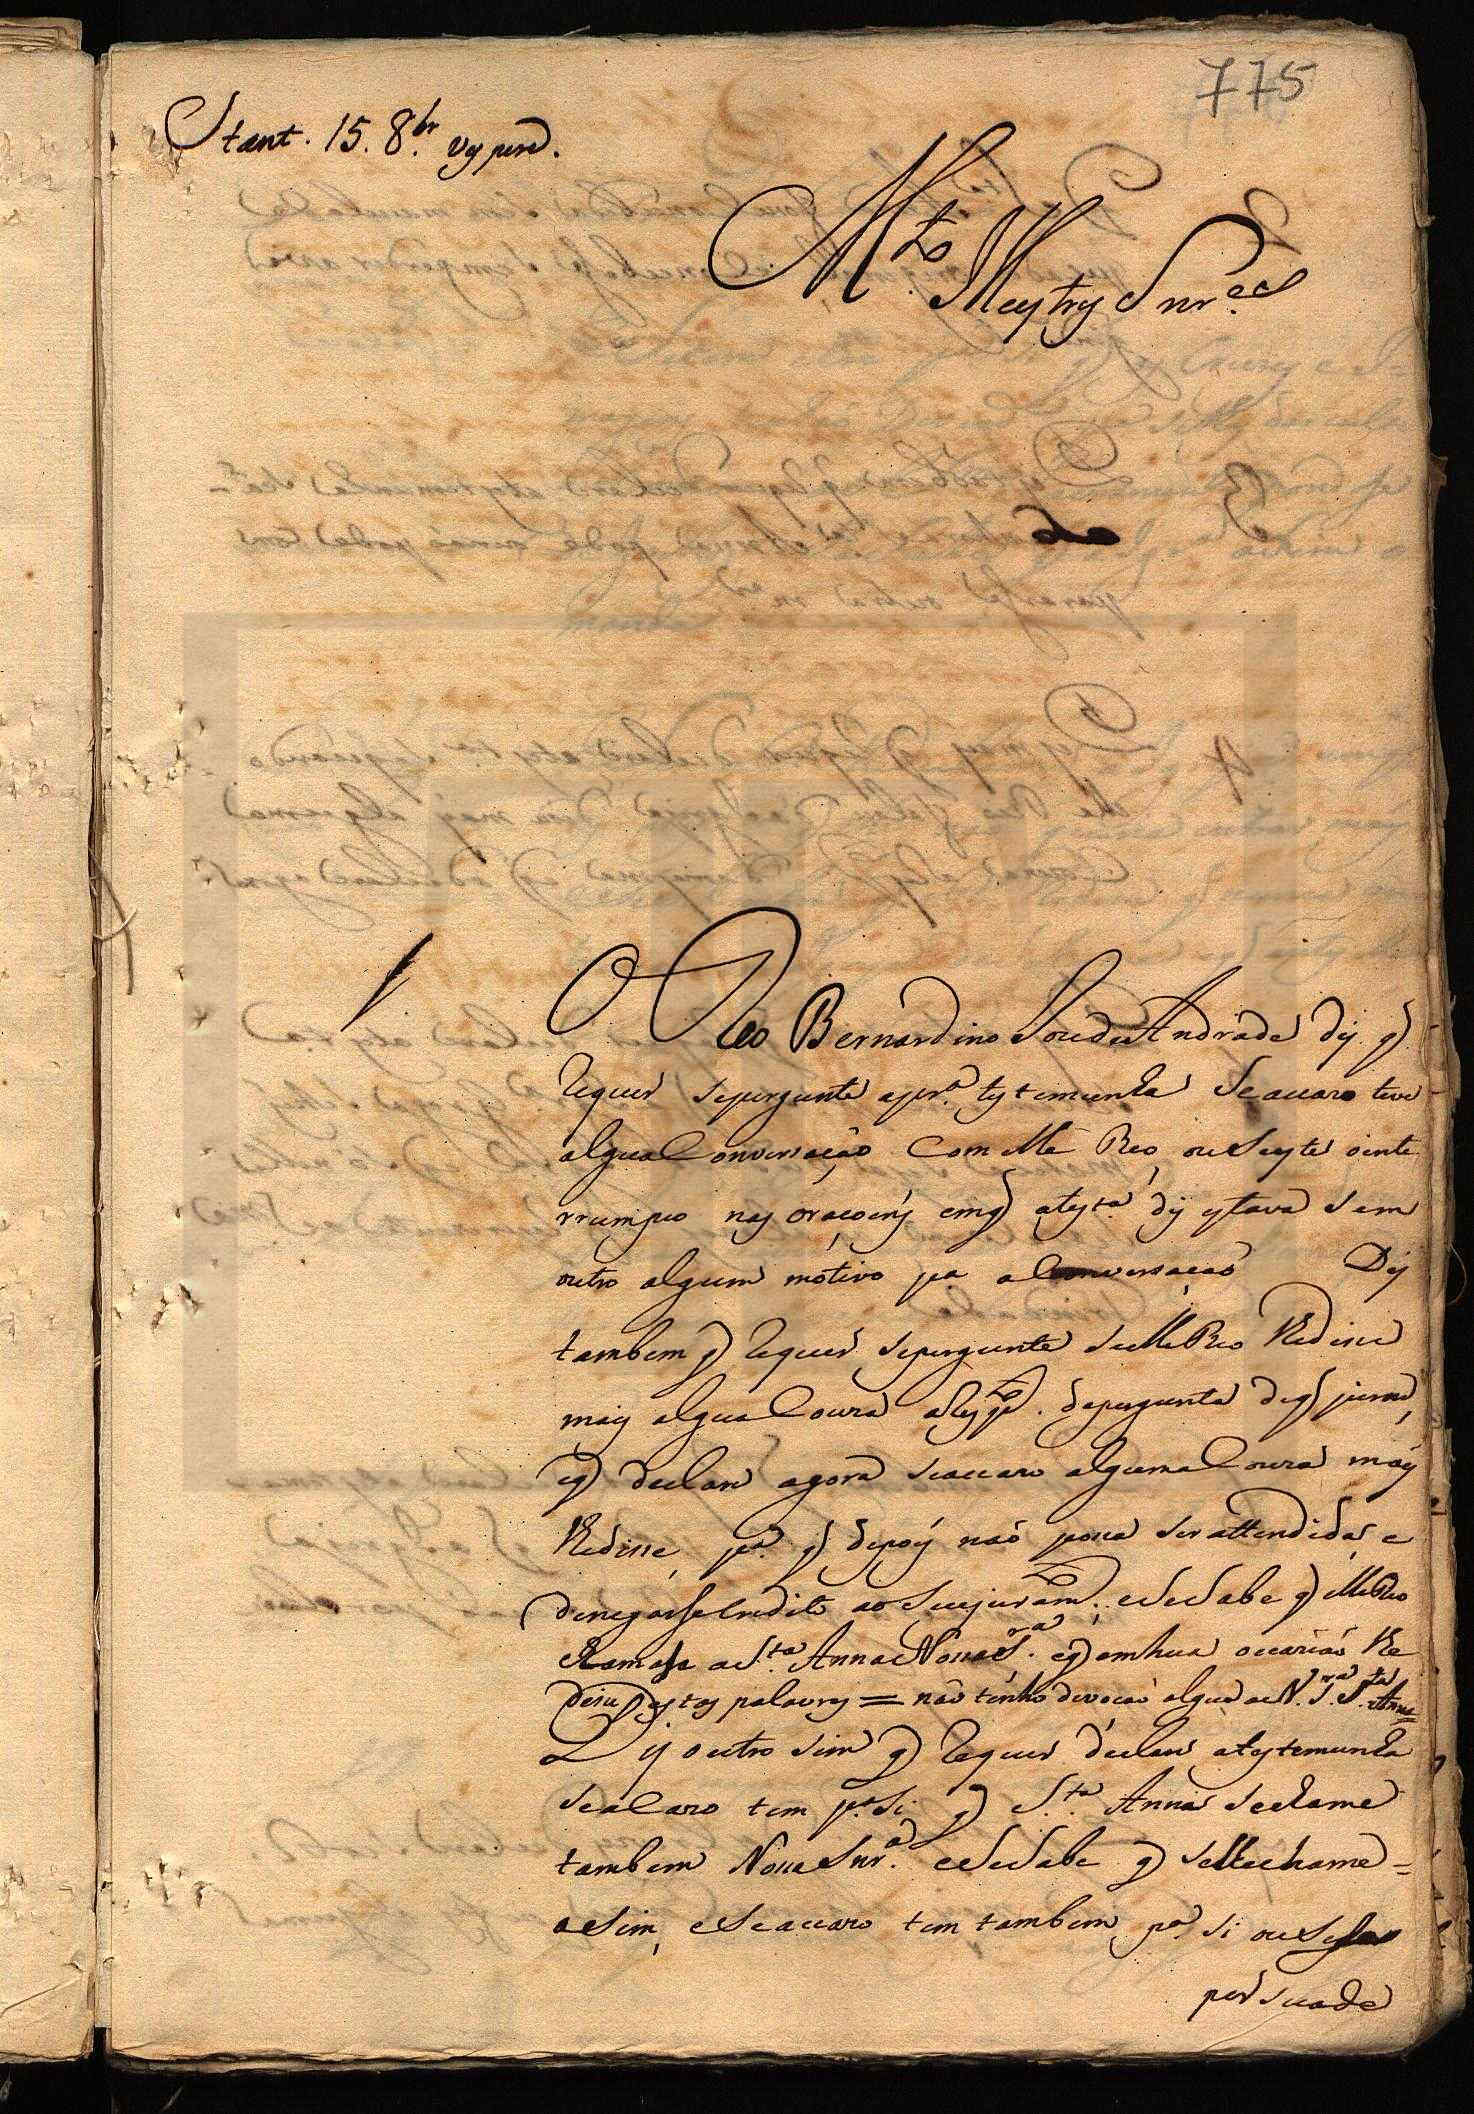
stant. 15. 8.br vesper.
M.to Illustres Snr.es
O Reo Bernardino Ioze de Andrade dis q̄
Requer se pergunte a pr.a testemunha Se accazo teve
algua Conversaçaõ Com elle Reo, ou Se este o inte
rrumpeo nas oraçoen̄s em q̄ a testa. dis estava sem
outro algum motivo pa a Comversaçaõ Dis
tambem q̄ Requer se pergunte se elle Reo lhe disse
mais algua Couza a Respto. de pergunta de q̄ jurar,
e q̄ declara agora se accazo alguma Couza máes
lhe disse, p.a q̄ depois naõ possa ser attendida, e
de negarse credito ao Seu juram.to, e se sabe q̄ elle Reo
chamase a S.ta Anna Nossa Sra. e q̄ em hua occaziaõ lhe
disse estas palavras = naõ tenho devoçaõ algua a N. Sra. S.ta Anna
Dis outrosim q̄ Requer declare a testemunha
se aCazo tem p.a si q̄ S.ta Anna se chame
tambem Nossa Snr.a e Se Sabe q̄ se lhe chame
aSim, e Se accazo tem tambem por si ou se fas
persuade
